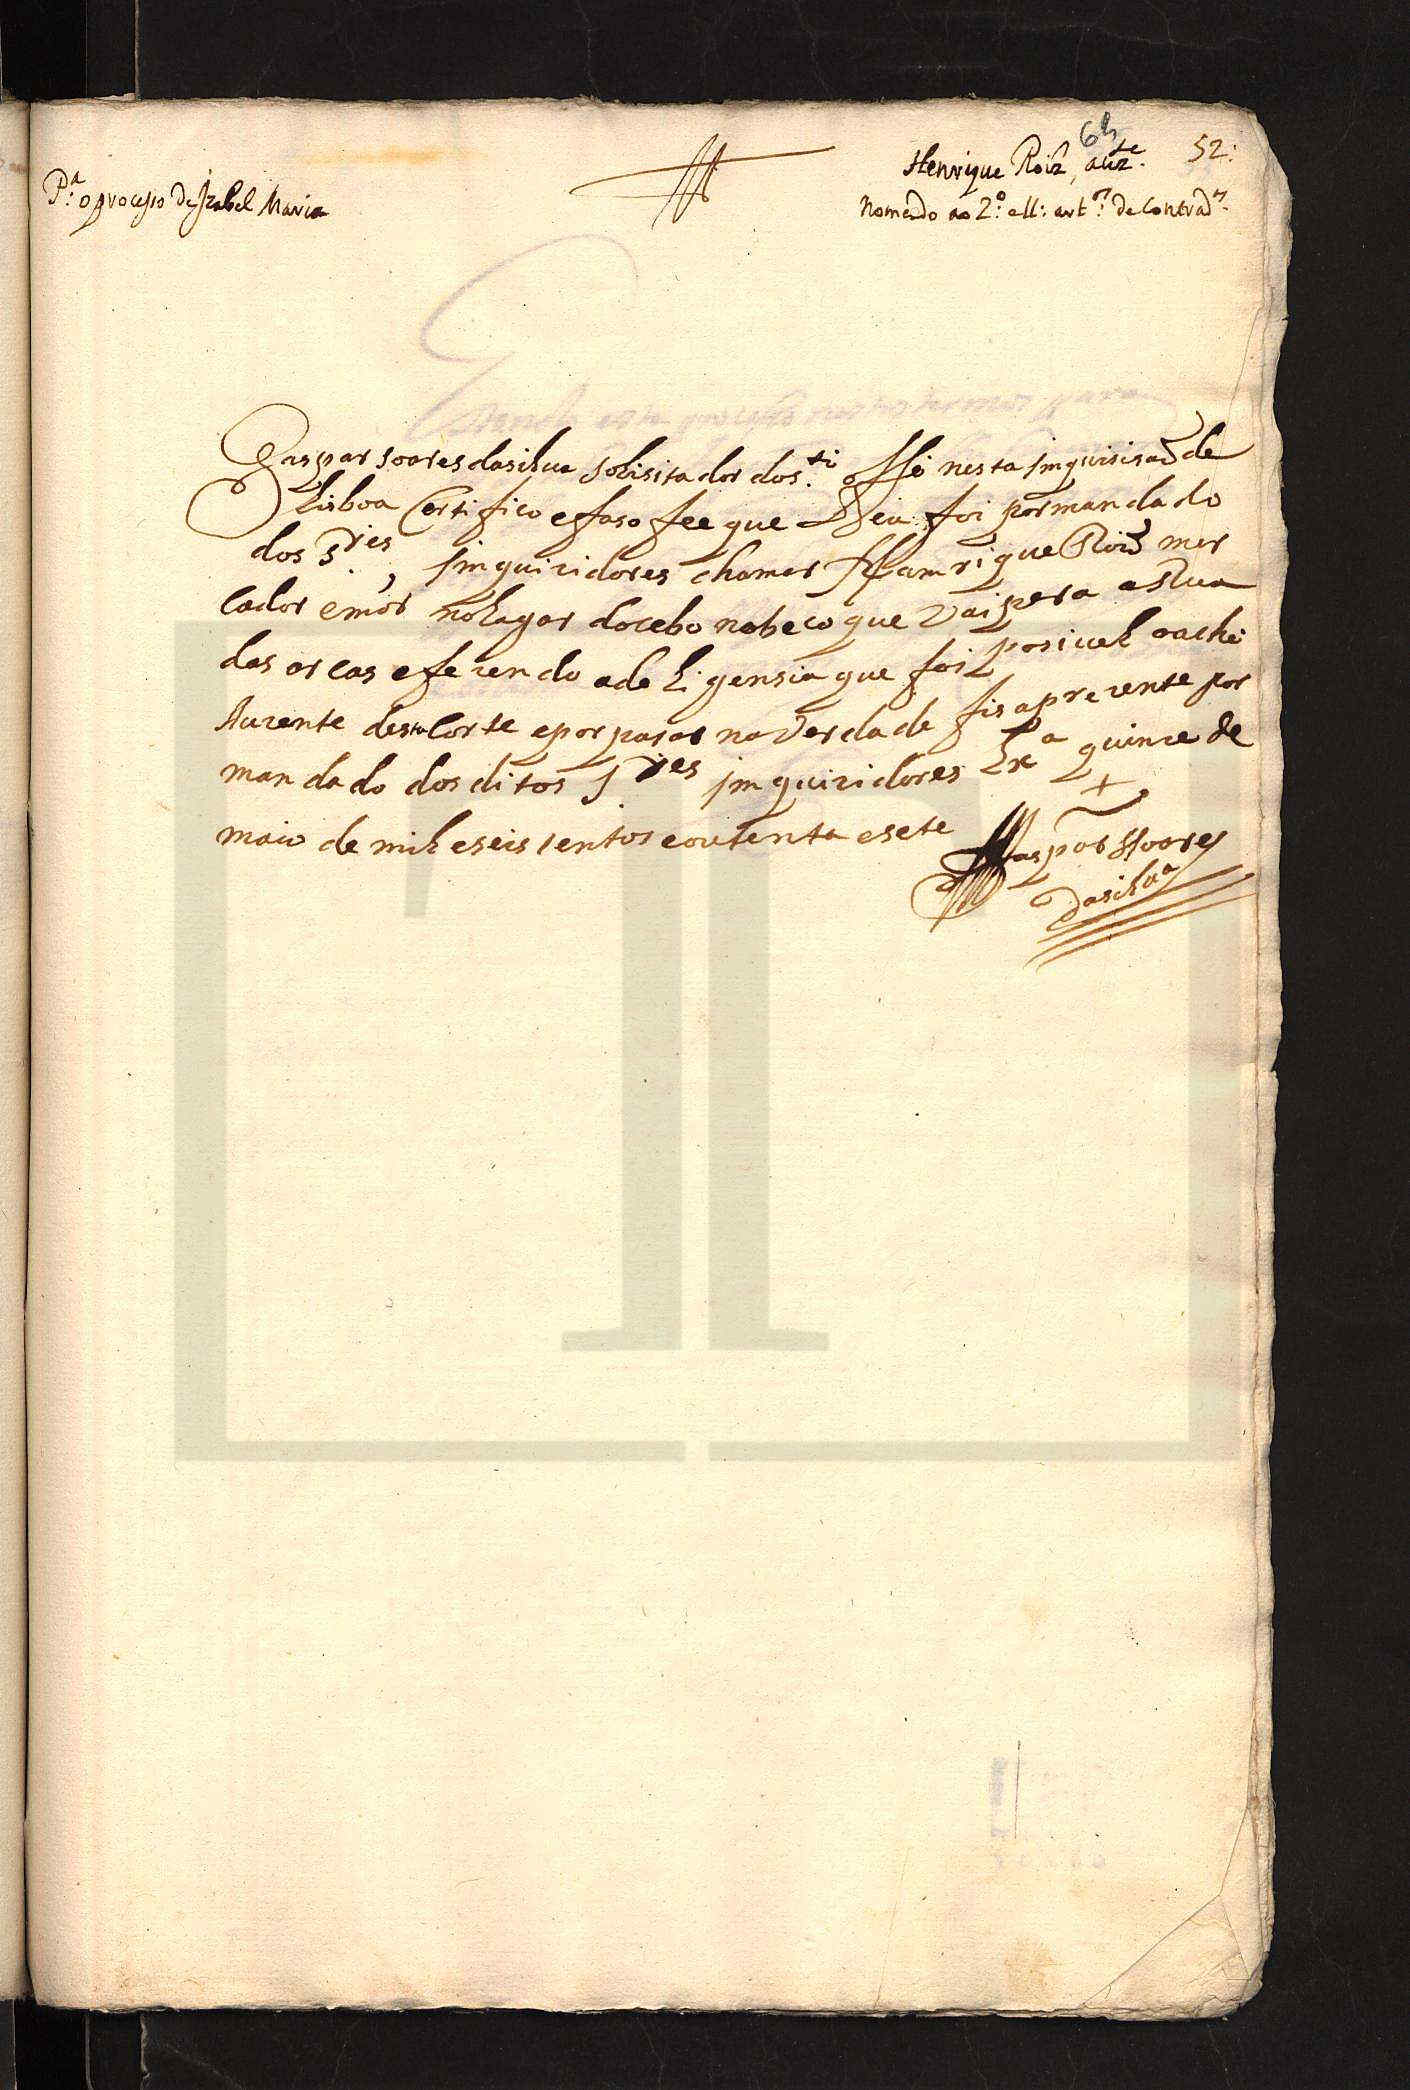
P:a o processo de Jzabel Maria
Henrique Roiz̄, auz.te
nomeado ao 2o: e 11: artos: de contradas.
Gaspar soares da silua solisitador do s.to offo. nesta Imquisisaõ de
lisboa Certifico e faso fee que eu fui por mandado
dos s.res; jmquizidores chamar Hamrique Roiz̄ mer
Cador e mor no logar do cebo no beco que vai para a Rua
das arcas e fazendo a deligensia que foi posiuel o achei
Auzente desta Corte e por pasar na Verdade fis a prezente por
mandado dos ditos S.res Jmquizidores Lxa quinze de
maio de mil e seissentos e outenta e sete
